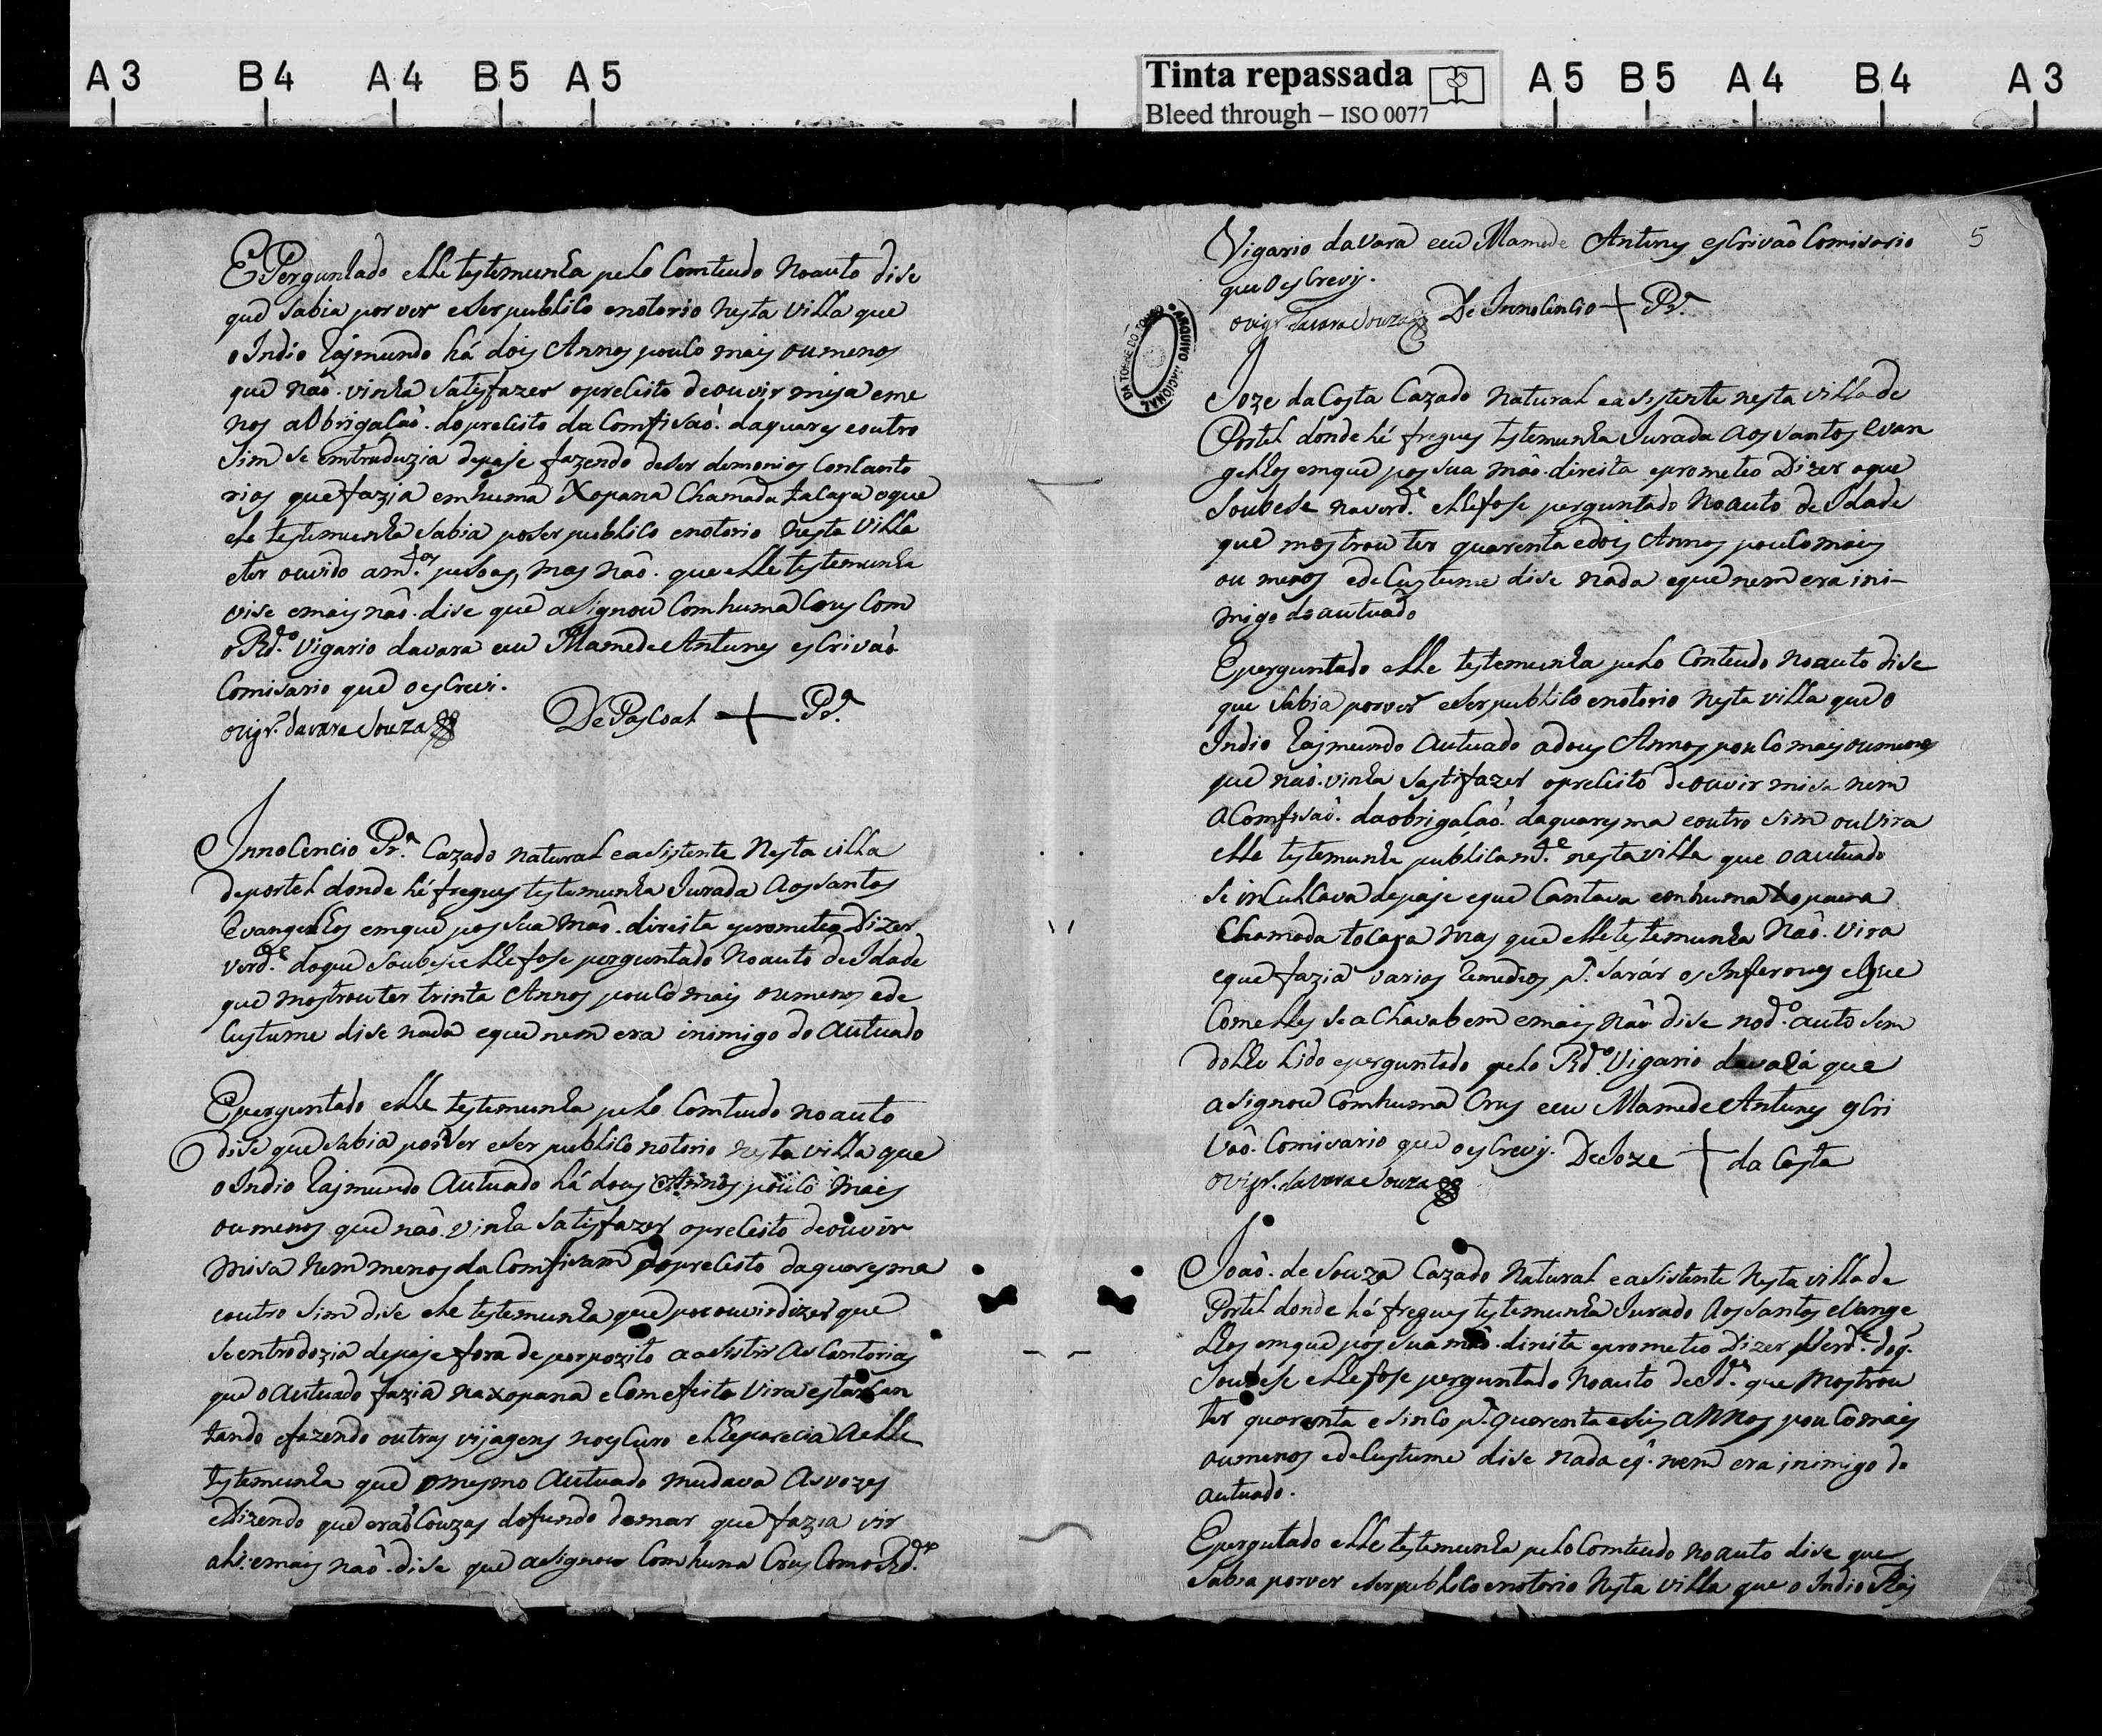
E Perguntado elle testemunha pelo Comteudo no auto dise
que sabia por ver e Ser publiCo e notorio nesta villa que
o Indio Rajmundo há dois Annos pouCo mais ou menos
que naõ. vinha satisfazer o preCeito de ouvir misa e me
nos a ObrigaÇaõ. do preCeito da Confisaõ. da quares e outro
Sim se emtruduzia de paje fazendo de ser demonios con Canto
rias que fazia em huma Xopana Chamada taCaya o que
ele testemunha sabia po ser publiCo e notorio nesta villa
e ter ouvido a m.tas peSoas, mas naõ. que elle testemunha
vise e mais naõ. dise que aSignou Com huma Crus Com
o Rd.o Vigario da vara e eu Mamede Antunes esCrivaõ.
Comisario que o esCrevi.
De PasCoal + Pr.a
o vigr.o da vara Souza
InnoCencio Pr.a Cazado natural e asistente nesta villa
de portel donde hé fregues testemunha Iurada aos santos
Evangelhos em que pos sua maõ. direita e prometeo Dizer
verd.e do que soubese e lhe fose perguntado no auto de Idade
que mostrou ter trinta Annos pouCo mais ou menos e de
Custume dise nada e que nem era inimigo do autuado
E perguntado elle testemunha pelo Comteudo no auto
dise que sabia por Ver e ser publiCo notorio nesta villa que
o Indio Rajmundo Autuado há dous Annos pouCo mais
ou menos que naõ vinha Satisfazer o preCeito de ouvir
misa nem menos da Comfisam do preCeito da quaresma
e outrosim dise ele testemunha que por ouvir dizer que
se entrodozia de paje fora de porpozito a asistir as Cantorias
que o autuado fazia na xopana, e Com efeito vira estar Can
tando e fazendo outras vijagens no esCuro, e lhe parecia a elle
testemunha que o mesmo autuado mudava As vozes
Dizendo que eraõ Couzas do fundo do mar que fazia vir
ahi e mais naõ. dise que asignou Com huma Crus Com o Rd.o
Vigario da Vara e eu Mamede Antunes esCrivaõ Comisario
que o esCrevy.
o vigr.o da vara souza De InnoCenCio + Pr.a
Ioze da Costa Cazado natural e asistente nesta villa de
Portel donde hé fregues testemunha Iurada aos santos evan
gelhos em que pos sua maõ. direita e prometeo Dizer o que
Soubese na verd.e e lhe fose perguntado no auto de Idade
que mostrou ter quarenta e dois Annos pouCo mais
ou menos e de Custume dise nada e que nem era ini
migo do autuado
E perguntado elle testemunha pelo Conteudo no auto dise
que Sabia por ver e ser publiCo e notorio nesta villa que o
Indio Rajmundo Autuado a dous Annos pouCo mais ou menos
que naõ vinha Sastifazer o preCeito de ouvir misa nem
A Comfisaõ. da obrigaçaõ da quaresma e outrosim ouvira
elle testemunha publicam.te nesta villa que o autuado
se inCulCava de paje e que Cantava em huma xopana
Chamada tocaya mas que elle testemunha naõ. vira
e que fazia varios Remedios p.a sarár os Infermos e Que
Com elles se aChava bem e mais naõ dise no d.o auto sem
dolhe Lido e perguntado pelo Rd.o Vigario da vará que
asignou Com huma Crus e eu Mamede Antunes esCri
vaõ. Comisario que o esCrevy. De Ioze + da Costa
o vigr.o da vara souza
Joaõ. de Souza Cazado natural e aSistente nesta villa de
Portel donde hé fregues testemunha Iurado aos Santos eVange
lhos em que pos sua mão direita e prometeo Dizer Verd.e do q̄
soubese, e lhe fose perguntado no auto de Id.e que mostrou
ter quarenta e sinCo p.a quarenta e Seis annos pouCo mais
ou menos e de Custume dise nada e q̄. nem era inimigo do
autuado.
E pergutado elle testemunha pelo Comteudo no auto dise que
sabia por ver e ser publico e notorio nesta villa que o Indio Raj
